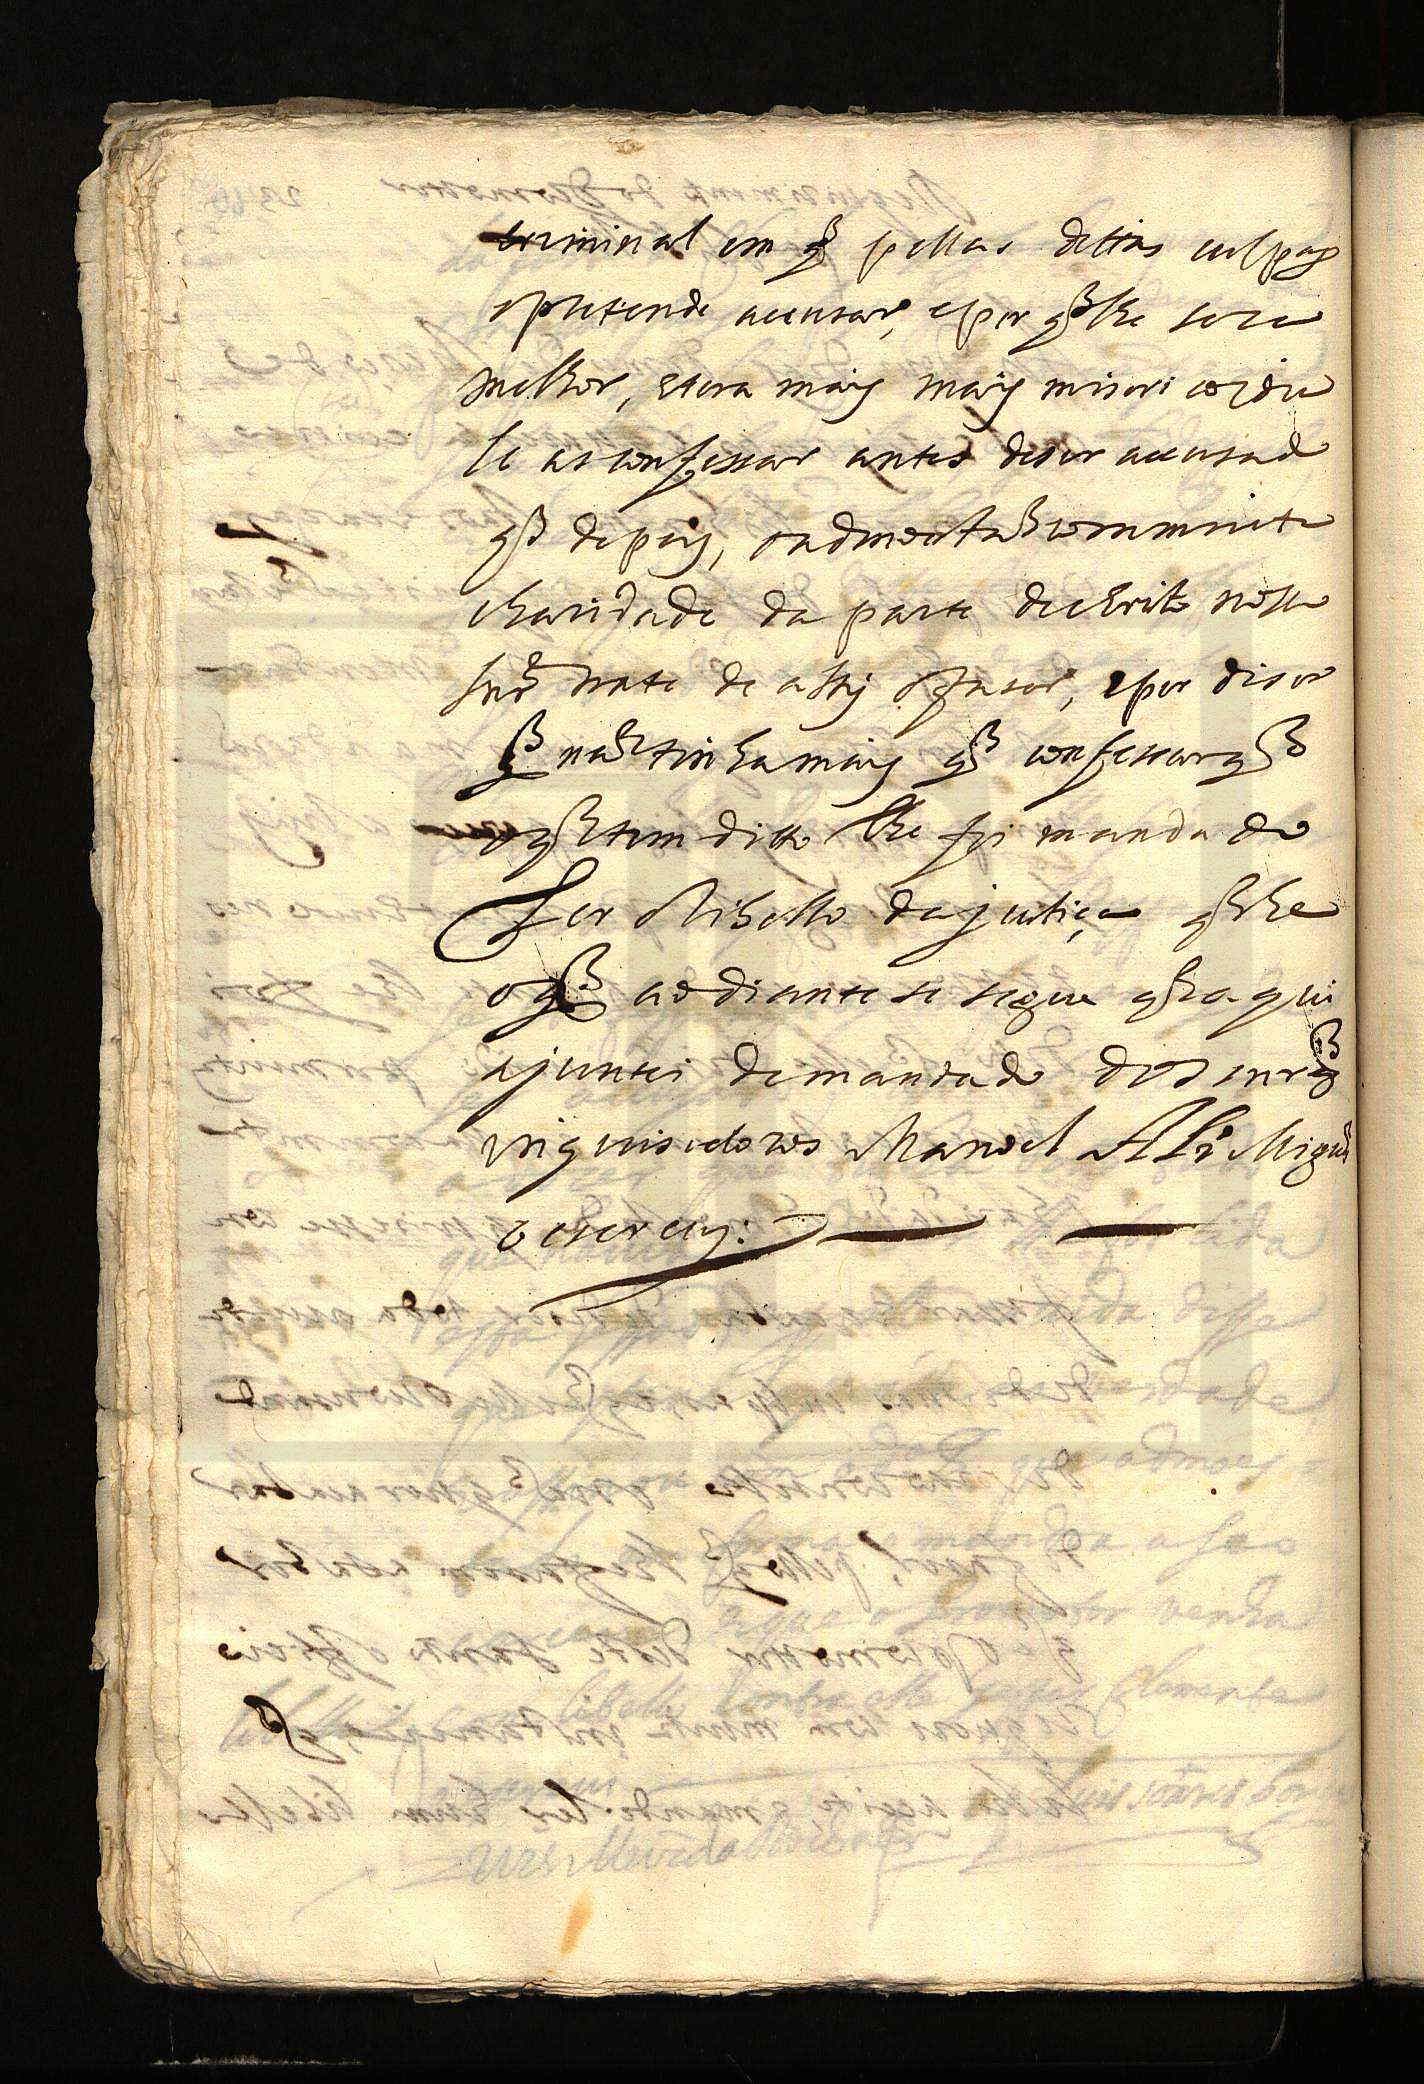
criminal em q̄ pellas dittas culpas
o pretende acentar, e porq̄ lhe sera
melhor, E tera mais mais misericordia
se as confessar antes de ser accusado
q̄ depois, o admoestaõ com muita
charidade da parte de christo nosso
snr̄ trate de assy o fazer, e por diser
q̄ naõ tinha mais q̄ confessar q̄
o q̄ tem ditto lhe foi mandado
Ler o libello da justiça q̄ he
o q̄ ao diante se segue q̄ aqui
ajuntei de mandado dos snres̄
inquisidores Manoel ALz̄ Migū_
o escreuj.
